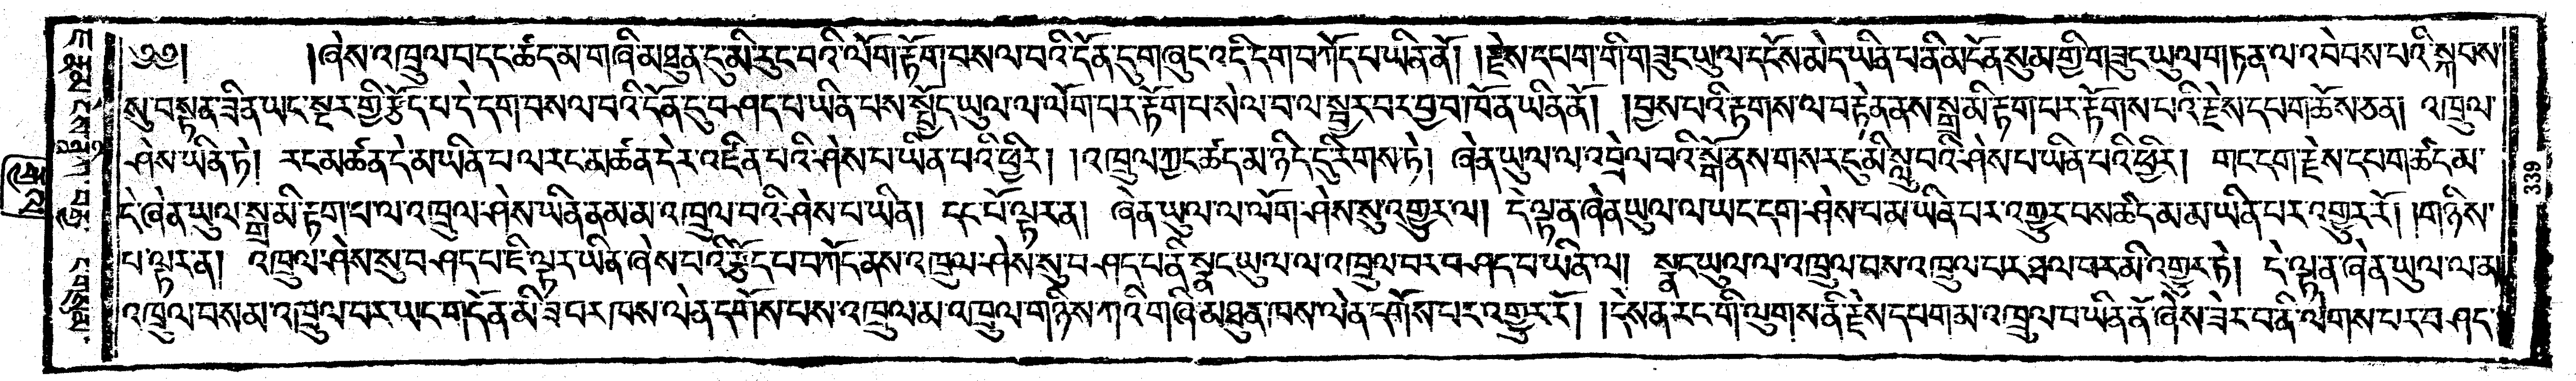༄༅། །ཞེས་འཁྲུལ་བ་དང་ཚད་མ་གཞི་མཐུན་དུ་མི་རུང་བའི་ལོག་རྟོག་བསལ་བའི་དོན་དུ་གཞུང་འདི་དག་བཀོད་པ་ཡིན་ནོ། །རྗེས་དཔག་གི་གཟུང་ཡུལ་དངོས་མེད་ཡིན་པ་ནི་མངོན་སུམ་གྱི་གཟུང་ཡུལ་གཏན་ལ་འབེབས་པའི་སྐབས་
སུ་བསྟན་ཟིན་ཡང་སྔར་གྱི་རྩོད་པ་དེ་དག་བསལ་བའི་དོན་དུ་བཤད་པ་ཡིན་པས་སྤྱོད་ཡུལ་ལ་ལོག་པར་རྟོག་པ་སེལ་བ་ལ་སྦྱར་བར་བྱ་བ་ཁོ་ན་ཡིན་ནོ། །བྱས་པའི་རྟགས་ལ་བརྟེན་ནས་སྒྲ་མི་རྟག་པར་རྟོགས་པའི་རྗེས་དཔག་ཆོས་ཅན། འཁྲུལ་
ཤེས་ཡིན་ཏེ། རང་མཚན་དེ་མ་ཡིན་པ་ལ་རང་མཚན་དེར་འཛིན་པའི་ཤེས་པ་ཡིན་པའི་ཕྱིར། །འཁྲུལ་ཀྱང་ཚད་མ་ཉིད་དུ་རིགས་ཏེ། ཞེན་ཡུལ་ལ་འབྲེལ་བའི་སྒོ་ནས་གསར་དུ་མི་སླུ་བའི་ཤེས་པ་ཡིན་པའི་ཕྱིར། གང་དག་རྗེས་དཔག་ཚད་མ་
དེ་ཞེན་ཡུལ་སྒྲ་མི་རྟག་པ་ལ་འཁྲུལ་ཤེས་ཡིན་ནམ་མ་འཁྲུལ་བའི་ཤེས་པ་ཡིན། དང་པོ་ལྟར་ན། ཞེན་ཡུལ་ལ་ལོག་ཤེས་སུ་འགྱུར་ལ། དེ་ལྟ་ན་ཞེན་ཡུལ་ལ་ཡང་དག་ཤེས་པ་མ་ཡིན་པར་འགྱུར་བས་ཚད་མ་མ་ཡིན་པར་འགྱུར་རོ། །གཉིས་
པ་ལྟར་ན། འཁྲུལ་ཤེས་སུ་བཤད་པ་ཇི་ལྟར་ཡིན་ཞེས་པའི་རྩོད་པ་བཀོད་ནས་འཁྲུལ་ཤེས་སུ་བཤད་པ་ནི་སྣང་ཡུལ་ལ་འཁྲུལ་བར་བཤད་པ་ཡིན་ལ། སྣང་ཡུལ་ལ་འཁྲུལ་བས་འཁྲུལ་པར་ཐལ་བར་མི་འགྱུར་ཏེ། དེ་ལྟ་ན་ཞེན་ཡུལ་ལ་མ་
འཁྲུལ་བས་མ་འཁྲུལ་བར་ཡང་གདོན་མི་ཟ་བར་ཁས་ལེན་དགོས་པས་འཁྲུལ་མ་འཁྲུལ་གཉིས་ཀའི་གཞི་མཐུན་ཁས་ལེན་དགོས་པར་འགྱུར་རོ། །དེས་ན་རང་གི་ལུགས་ནི་རྗེས་དཔག་མ་འཁྲུལ་བ་ཡིན་ནོ་ཞེས་ཟེར་བ་ནི་ལེགས་པར་བཤད་